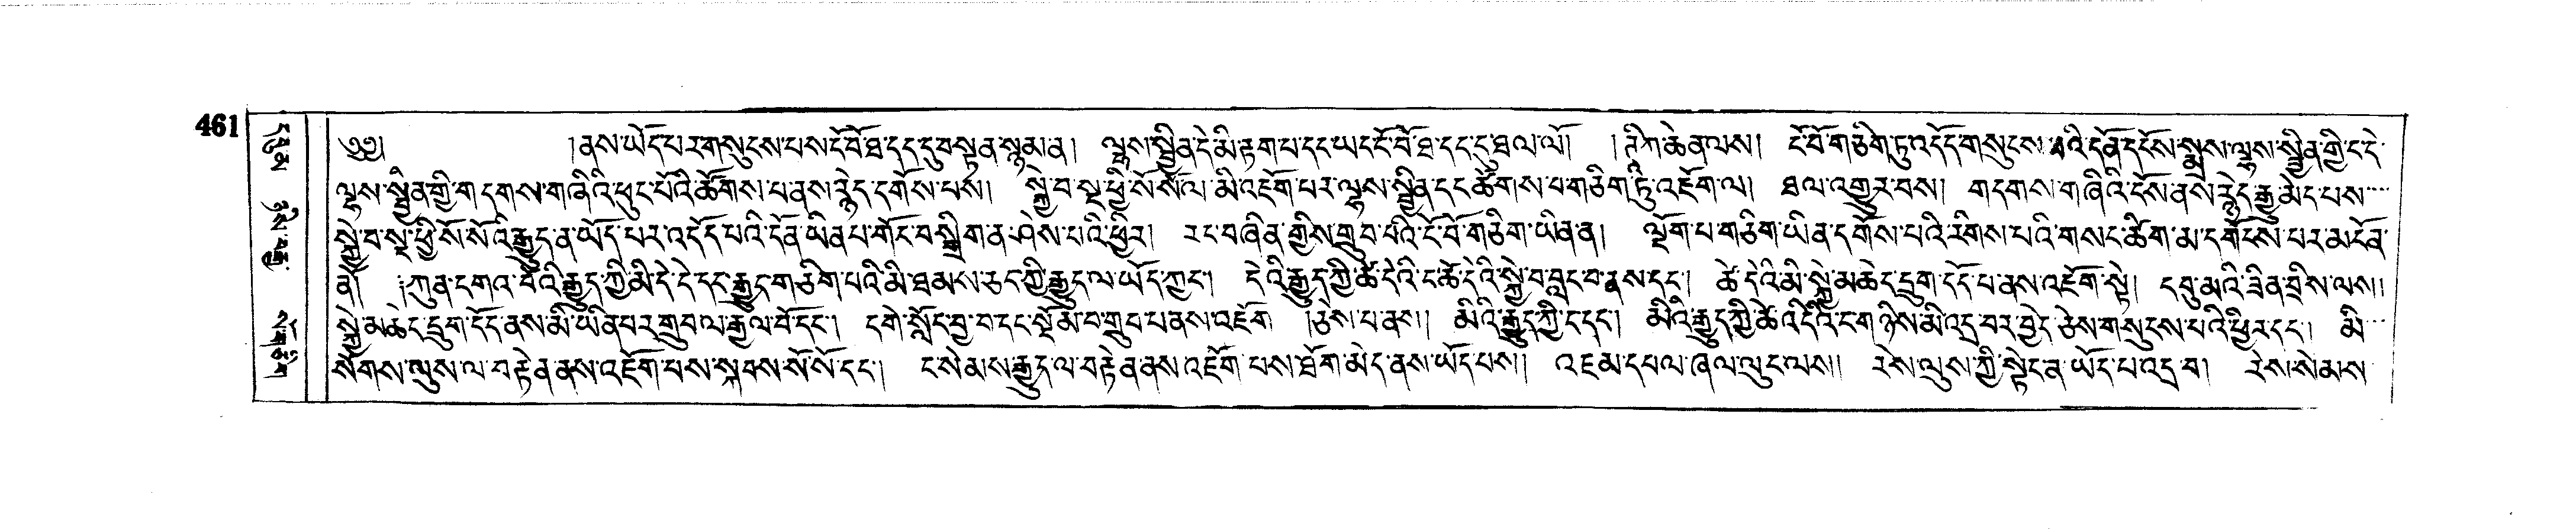༄༅། །ནས་ཡོད་པར་གསུངས་པས་ངོ་བོ་ཐ་དད་དུ་བསྟན་སྙམ་ན། ལྷས་སྦྱིན་དེ་མི་རྟག་པ་དང་ཡང་ངོ་བོ་ཐ་དད་དུ་ཐལ་ལོ། །ཊཱིཀ་ཆེན་ལས། ངོ་བོ་གཅིག་ཏུ་འདོད་གསུངས་བའི་དོན་དངོས་སྨྲས་ལྷས་སྦྱིན་གྱི་ང་དེ་
ལྷས་སྦྱིན་གྱི་གདགས་གཞིའི་ཕུང་པོའི་ཚོགས་པ་ནས་རྙེད་དགོས་པས། སྐྱེ་བ་སྔ་ཕྱི་སོ་སོ་ལ་མི་འཇོག་པར་ལྷས་སྦྱིན་དང་ཚོགས་པ་གཅིག་ཏུ་འཇོག་ལ། ཐལ་འགྱུར་བས། གདགས་གཞིའི་ངོས་ནས་རྙེད་རྒྱུ་མེད་པས་
སྐྱེ་བ་སྔ་ཕྱི་སོ་སོའི་རྒྱུད་ན་ཡོད་པར་འདོད་པའི་དོན་ཡིན་པ་གོང་བསྒྲིག་ན་ཤེས་པའི་ཕྱིར། རང་བཞིན་གྱིས་གྲུབ་པའི་ངོ་བོ་གཅིག་ཡིན་ན། ལྡོག་པ་གཅིག་ཡིན་དགོས་པའི་རིགས་པའི་གསང་ཚིག་མ་དགོངས་པར་མངོན་
ནོ། །ཀུན་དགའ་བོའི་རྒྱུད་ཀྱི་མི་དེ་དེ་དང་རྒྱུད་གཅིག་པའི་མི་ཐམས་ཅད་ཀྱི་རྒྱུད་ལ་ཡོད་ཀྱང་། དེའི་རྒྱུད་ཀྱི་ཚེ་དེའི་ང་ཚེ་དེའི་སྐྱེ་བ་བླང་བ་ནས་དང་། ཚེ་དེའི་མི་སྐྱེ་མཆེད་དྲུག་དོད་པ་ནས་འཇོག་སྟེ། དབུ་མའི་ཟིན་བྲིས་ལས།
སྐྱེ་མཆེད་དྲུག་དོད་ནས་མི་ཡིན་པར་གྲུབ་ལ་རྒྱལ་བོ་དང་། དགེ་སློང་བྱ་བ་དང་སྡོམ་བ་གྲུབ་པ་ནས་འཇོག །ཅེས་པ་ནས། མིའི་རྒྱུད་ཀྱི་ང་དང་། མིའི་རྒྱུད་ཀྱི་ཚེ་འདིའི་ང་གཉིས་མི་འདྲ་བར་བྱེད་ཅེས་གསུངས་པའི་ཕྱིར་དང་། མི་
སོགས་ལུས་ལ་བརྟེན་ནས་འཇོག་པས་སྐབས་སོ་སོ་དང་། ང་སེམས་རྒྱུད་ལ་བརྟེན་ནས་འཇོག་པས་ཐོག་མེད་ནས་ཡོད་པས། འཇམ་དཔལ་ཞལ་ལུང་ལས། རེས་ལུས་ཀྱི་སྟེང་ན་ཡོད་པ་འདྲ་བ། རེས་སེམས་